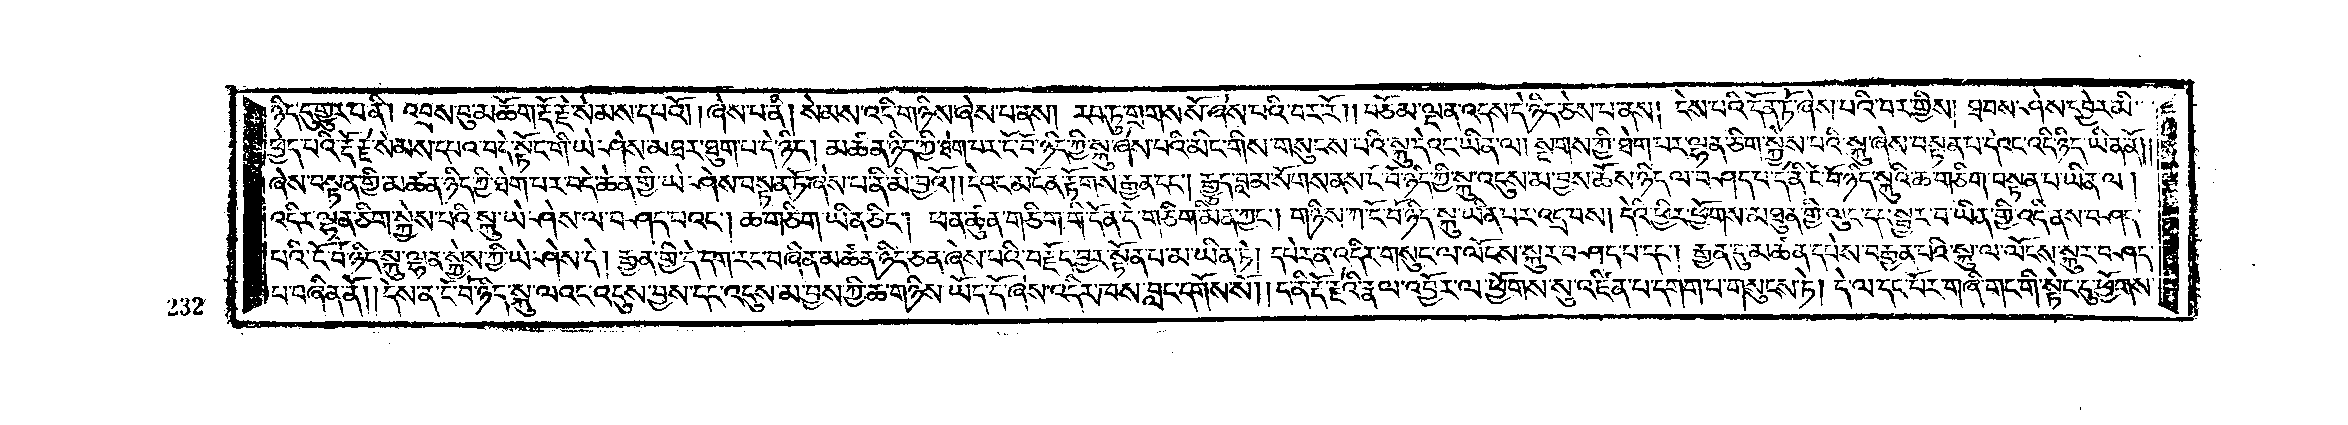ཉིད་དུ་གྱུར་པ་ནི། འབྲས་བུ་མཆོག་རྡོ་རྗེ་སེམས་དཔའོ། །ཞེས་པ་ནི། སེམས་འདི་གཉིས་ཞེས་པ་ནས། རབ་ཏུ་གྲགས་སོ་ཞེས་པའི་བར་རོ། །བཅོམ་ལྡན་འདས་དེ་ཉིད་ཅེས་པ་ནས། ངེས་པའི་དོན་ཏོ་ཞེས་པའི་བར་གྱིས། ཐབས་ཤེས་དབྱེར་མི་
ཕྱེད་པའི་རྡོ་རྗེ་སེམས་དཔའ་བདེ་སྟོང་གི་ཡེ་ཤེས་མཐར་ཐུག་པ་དེ་ཉིད། མཚན་ཉིད་ཀྱི་ཐེག་པར་ངོ་བོ་ཉིད་ཀྱི་སྐུ་ཞེས་པའི་མིང་གིས་གསུངས་པའི་སྐུ་དེའང་ཡིན་ལ། སྔགས་ཀྱི་ཐེག་པར་ལྷན་ཅིག་སྐྱེས་པའི་སྐུ་ཞེས་བསྟན་པ་དེའང་འདི་ཉིད་ཡིན་ནོ། །
ཞེས་བསྟན་གྱི་མཚན་ཉིད་ཀྱི་ཐེག་པར་བདེ་ཆེན་གྱི་ཡེ་ཤེས་བསྟན་ཏོ་ཞེས་པ་ནི་མི་བྱའོ། །དེའང་མངོན་རྟོགས་རྒྱན་དང་།རྒྱུད་བླ་མ་སོགས་ནས་ངོ་བོ་ཉིད་ཀྱི་སྐུ་འདུས་མ་བྱས་ཆོས་ཉིད་ལ་བཤད་པ་དེ་ནི་ངོ་བོ་ཉིད་སྐུའི་ཆ་གཅིག་བསྟན་པ་ཡིན་ལ།
འདིར་ལྷན་ཅིག་སྐྱེས་པའི་སྐུ་ཡེ་ཤེས་ལ་བཤད་པའང་། ཆ་གཅིག་ཡིན་ཅིང་།ཕན་ཚུན་གཅིག་གི་དོན་དེ་གཅིག་མིན་ཀྱང་།གཉིས་ཀ་ངོ་བོ་ཉིད་སྐུ་ཡིན་པར་འདྲ་བས། དེའི་ཕྱིར་ཕྱོགས་མཐུན་གྱི་ལུང་དང་སྦྱར་བ་ཡིན་གྱི་འདི་ནས་བཤད་
པའི་ངོ་བོ་ཉིད་སྐུ་ལྷན་སྐྱེས་ཀྱི་ཡེ་ཤེས་དེ། རྒྱན་གྱི་དེ་དག་རང་བཞིན་མཚན་ཉིད་ཅན་ཞེས་པའི་བརྗོད་བྱར་སྟོན་པ་མ་ཡིན་ཏེ། དཔེར་ན་འདིར་གསུང་ལ་ལོངས་སྐུར་བཤད་པ་དང་།རྒྱན་དུ་མཚན་དཔེས་བརྒྱན་པའི་སྐུ་ལ་ལོངས་སྐུར་བཤད་
པ་བཞིན་ནོ། །དེས་ན་ངོ་བོ་ཉིད་སྐུ་ལའང་འདུས་བྱས་དང་འདུས་མ་བྱས་ཀྱི་ཆ་གཉིས་ཡོད་དོ་ཞེས་འདིར་ཁས་བླང་དགོས་སོ། །ད་ནི་རྡོ་རྗེའི་རྣལ་འབྱོར་ལ་ཕྱོགས་སུ་འཛིན་པ་དགག་པ་གསུངས་ཏེ། དེ་ལ་དང་པོར་གཞི་གང་གི་སྟེང་དུ་ཕྱོགས་